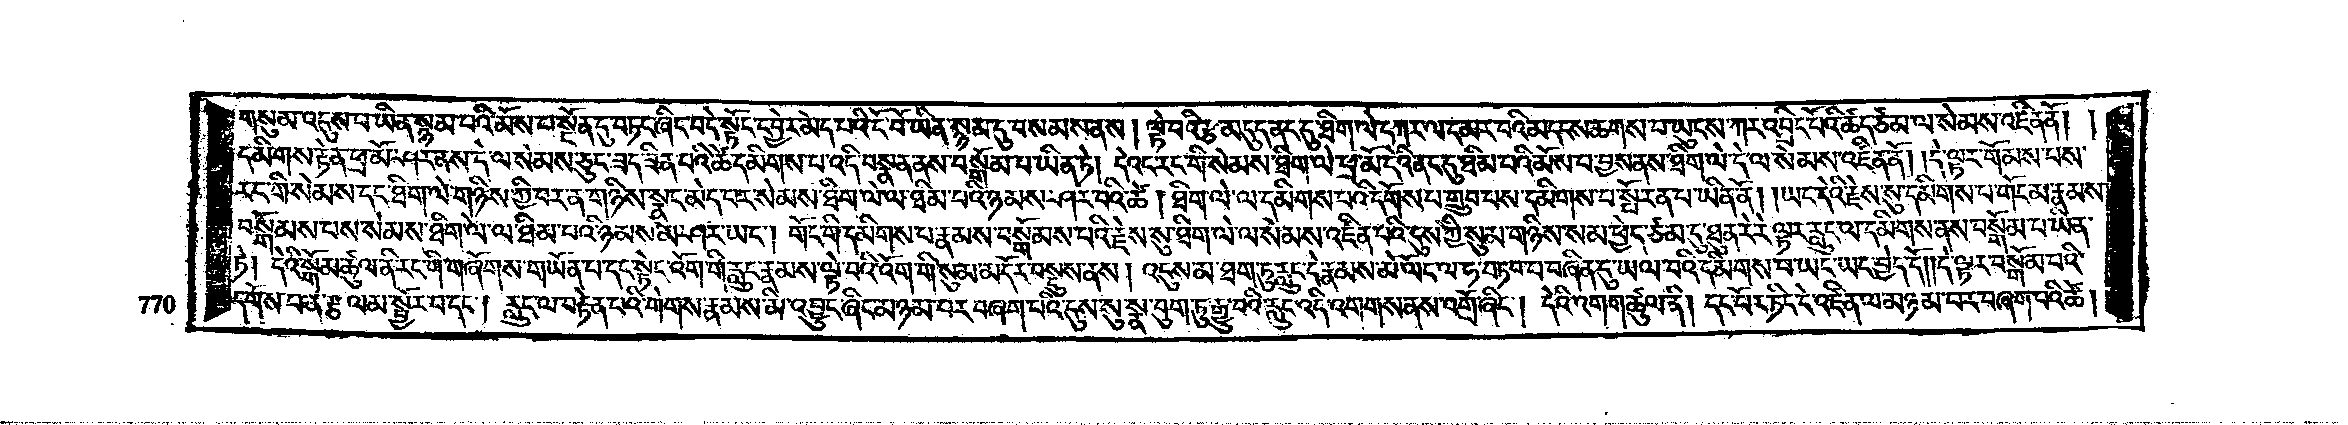གསུམ་འདུས་པ་ཡིན་སྙམ་པའི་མོས་པ་སོན་དུ་བཏང་ཞིང་བདེ་སྟོང་དབྱེར་མེད་པའི་ངོ་བོ་ཡིན་སྙམ་དུ་བསམས་ནས། ལྟེ་བའི་རྩ་མདུད་ནང་དུ་ཐིག་ལེ་དཀར་ལ་དམར་བའི་མདངས་ཆགས་པ་ཡུངས་ཀར་འབྲིང་པོའི་ཚད་ཙམ་ལ་སེམས་འཛིན་ནོ། །
དམིགས་རྟེན་ཕྲ་མོ་ཤར་ནས་དེ་ལ་སེམས་ཅུང་ཟད་ཟིན་པའི་ཚེ་དམིགས་པ་འདི་བསྣན་ནས་བསྒོམ་པ་ཡིན་ཏེ། དེའང་རང་གི་སེམས་ཐིག་ལེ་ཕྲ་མོ་དེའི་ནང་དུ་ཐིམ་པའི་མོས་པ་བྱས་ནས་ཐིག་ལེ་དེ་ལ་སེམས་འཛིན་ནོ། །དེ་ལྟར་གོམས་པས་
རང་གི་སེམས་དང་ཐིག་ལེ་གཉིས་ཀྱི་བར་ན་གཉིས་སྣང་མེད་པར་སེམས་ཐིག་ལེ་ལ་ཐིམ་པའི་ཉམས་ཤར་བའི་ཚེ། ཐིག་ལེ་ལ་དམིགས་པའི་དགོས་པ་གྲུབ་པས་དམིགས་པ་སྤོ་རན་པ་ཡིན་ནོ། །ཡང་དེའི་རྗེས་སུ་དམིགས་པ་གོང་མ་རྣམས་
བསྒོམས་པས་སེམས་ཐིག་ལེ་ལ་ཐིམ་པའི་ཉམས་མ་ཤར་ཡང་། གོང་གི་དམིགས་པ་རྣམས་བསྒོམས་པའི་རྗེས་སུ་ཐིག་ལེ་ལ་སེམས་འཛིན་པའི་དུས་ཀྱི་སུམ་གཉིས་སམ་ཕྱེད་ཙམ་དུ་ཐུན་རེ་རེ་ལྟར་རླུང་ལ་དམིགས་ནས་བསྒོམ་པ་ཡིན་
ཏེ། དེའི་སྒོམ་ཚུལ་ནི་རང་གི་གཞོགས་གཡོན་པ་དང་སྟེང་འོག་གི་རླུང་རྣམས་ལྟེ་བའི་འོག་གི་སུམ་མདོར་བསྡུས་ནས། འདུས་མ་ཐག་ཏུ་རླུང་དེ་རྣམས་མེ་ལོང་ལ་ཧ་བཏབ་པ་བཞིན་དུ་ཡལ་བའི་དམིགས་པ་ཡང་ཡང་བྱེད་དོ། །དེ་ལྟར་བསྒོམ་པའི་
དགོས་པ་ནི་རྩ་ལམ་སྦྱོར་བ་དང་། རླུང་ལ་བརྟེན་པའི་གེགས་རྣམས་མི་འབྱུང་ཞིང་མཉམ་པར་བཞག་པའི་དུས་སུ་སྣ་བུག་ཏུ་རྒྱུ་བའི་རླུང་འདི་འགགས་ནས་འགྲོ་ཞིང་། དེའི་འགག་ཚུལ་ནི། དང་པོར་ཏིང་ངེ་འཛིན་ལ་མཉམ་པར་བཞག་པའི་ཚེ།